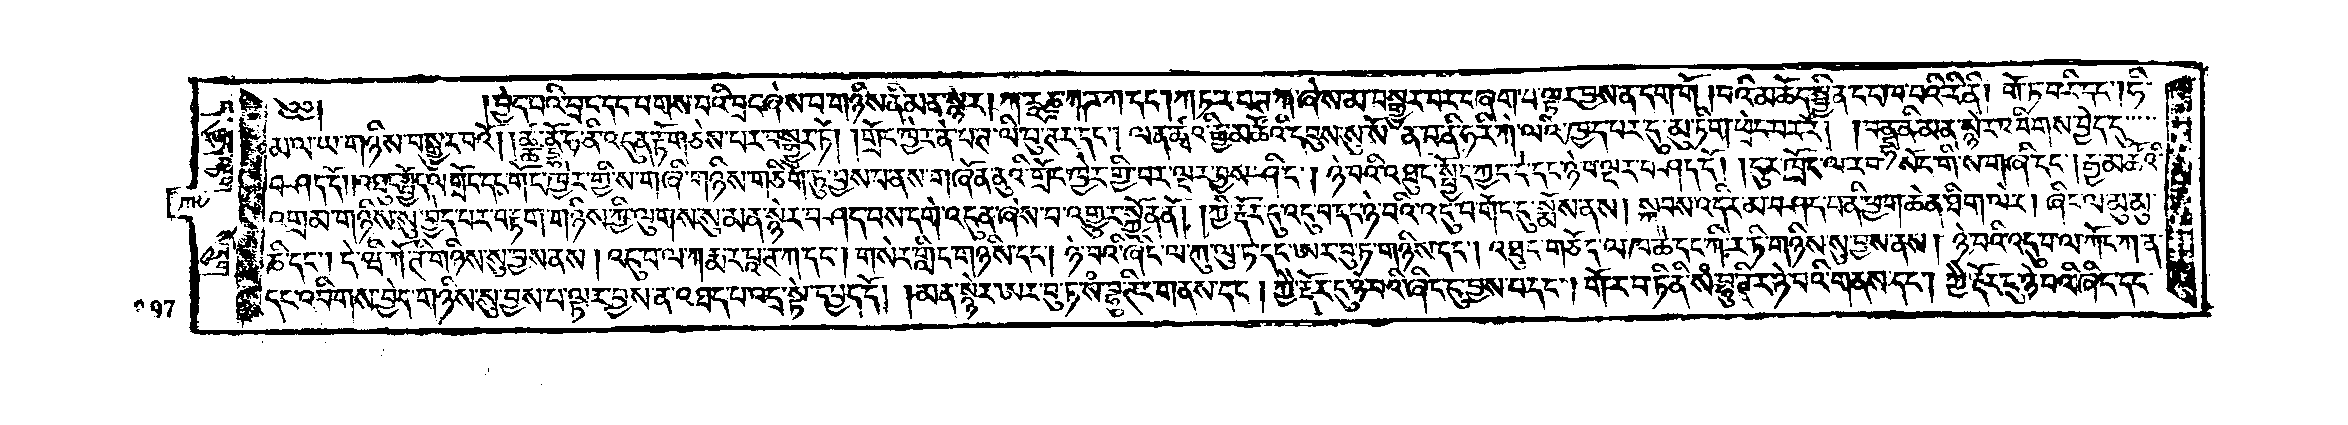༄༅། །བྱེད་པའི་བྲང་དང་པགས་པའི་བྲང་ཞེས་པ་གཉིས་ནི་མན་སྙེར། ཀ་རཱཎྜ་ཀ་ཌ་ཀ་དང་། ཀ་ཏ་ར་བཊ་ཀ་ཞེས་མ་བསྒྱུར་བར་བཞག་པ་ལྟར་བྱས་ན་དག་གོ། བའི་མཆོད་སྦྱིན་དང་ཁ་བའི་རི་ནི། གོ་ཏ་བ་རི་དང་། ཧི་
མ་ལ་ཡ་གཉིས་བསྒྱུར་བའོ། །ཚྪ་ནྡྷོ་ཧ་ནི་འདུན་རྟོག་ཅེས་པར་བསྒྱུར་ཏོ། །གྲོང་ཁྱེར་ནེ་པ་ཊ་ལི་བུ་ཊར་དང་། ལན་ཚྭའི་རྒྱ་མཚོའི་དབུས་སུ་སོ་ན་བ་ནི་ཧ་རི་ཀེ་ལའི་ཁྱད་པར་དུ་མུ་ཏིག་ཕྲེང་བར་རོ། །བནྡྷ་ནི་མན་སྙེར་འབིགས་བྱེད་དུ་
བཤད་དོ། །འཐུང་སྤྱོད་ལ་གྲོང་དང་གོང་ཁྱེར་གྱི་ས་གཞི་གཉིས་གཅིག་ཏུ་བྱས་པ་ནས་གཞོན་ནུའི་གྲོང་ཁྱེར་གྱི་བར་ལྔར་བྱས་ཤིང་། ཉེ་བའི་འཐུང་སྤྱོད་ཀྱང་དེ་དང་ཉེ་བ་ལྔར་བཤད་དོ། །དུར་ཁྲོད་ལ་རབ་སོང་གི་ས་གཞི་དང་། རྒྱ་མཚོའི་
འགྲམ་གཉིས་སུ་བྱེད་པར་བརྟག་གཉིས་ཀྱི་ལུགས་སུ་མན་སྙེར་བཤད་པས་དགེ་འདུན་ཞེས་པ་འགྱུར་སྐྱོན་ནོ། །ཀྱི་རྡོར་དུ་འདུ་བ་དང་ཉེ་བའི་འདུ་བ་གོང་དུ་སྨོས་ནས། སྐབས་འདིར་མ་བཤད་པ་ནི་ཕྱག་ཆེན་ཐིག་ལེར། ཞིང་ལ་མུ་མུ་
ཎི་དང་། དེ་ཝི་ཀོ་ཊི་གཉིས་སུ་བྱས་ནས། འདུ་བ་ལ་ཀརྨ་ར་པཱ་ཊ་ཀ་དང་། གསེར་གླིང་གཉིས་དང་། ཉེ་བའི་ཞིང་ལ་ཀུ་ལུ་ཏ་དང་ཨར་བུ་ཏ་གཉིས་དང་། འཐུང་གཅོད་ལ་ཁ་ཆེ་དང་ཀི་ར་ཏི་གཉིས་སུ་བྱས་ནས། ཉེ་བའི་འདུ་བ་ལ་ཀོང་ཀ་ན་
དང་འབིགས་བྱེད་གཉིས་སུ་བྱས་པ་ལྟར་བྱས་ན་འཐད་པ་འདྲ་སྟེ་དཔྱད་དོ། །མན་སྙེར་ཨར་བུ་ཏ་སཾ་བྷུ་ཊིར་གནས་དང་། ཀྱཻ་རྡོར་དུ་ཉེ་བའི་ཞིང་དུ་བྱས་པ་དང་། གོ་ར་བ་ཏི་ནི་སམ་བྷུ་ཊི་ར་ཉེ་བའི་གནས་དང་། ཀྱཻ་རྡོར་དུ་ཉེ་བའི་ཞིང་དང་